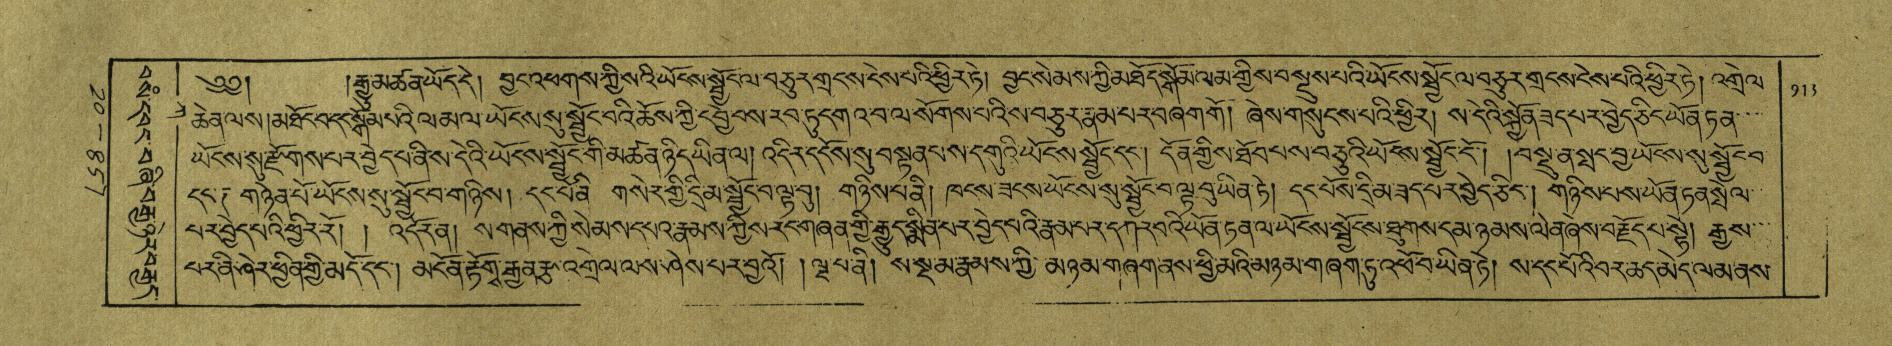༄༅། །རྒྱུ་མཚན་ཡོད་དེ། བྱང་འཕགས་ཀྱི་སའི་ཡོངས་སྦྱོང་ལ་བཅུར་གྲངས་ངེས་པའི་ཕྱིར་ཏེ། བྱང་སེམས་ཀྱི་མཐོད་སྒོམ་ལམ་གྱིས་བསྡུས་པའི་ཡོངས་སྦྱོང་ལ་བཅུར་གྲངས་ངེས་པའི་ཕྱིར་ཏེ། འགྲེལ་
ཆེན་ལས། མཐོང་བ་དང་སྒོམ་པའི་ལམ་ལ་ཡོངས་སུ་སྦྱོང་བའི་ཆོས་ཀྱི་དབྱེ་བས་རབ་ཏུ་དགའ་བ་ལ་སོགས་པའི་ས་བཅུར་རྣམ་པར་བཞག་གོ། ཞེས་གསུངས་པའི་ཕྱིར། ས་དེའི་སྐྱོན་ཟད་པར་བྱེད་ཅིང་ཡོན་ཏན་
ཡོངས་སུ་རྫོགས་པར་བྱེད་པ་ནི་ས་དེའི་ཡོངས་སྦྱོང་གི་མཚན་ཉིད་ཡིན་ལ། འདིར་དངོས་སུ་བསྟན་པས་དགུའི་ཡོངས་སྦྱོང་དང་། དོན་གྱིས་ཐོབ་པས་བཅུའི་ཡོངས་སྦྱོང་ངོ། །བསྡུ་ན་སྤང་བྱ་ཡོངས་སུ་སྦྱོང་བ་
དང༑ གཉེན་པོ་ཡོངས་སུ་སྦྱོང་བ་གཉིས། དང་པོ་ནི། གསེར་གྱི་དྲི་མ་སྦྱོང་བ་ལྟ་བུ། གཉིས་པ་ནི། ཁངས་ཟངས་ཡོངས་སུ་སྦྱོང་བ་ལྟ་བུ་ཡིན་ཏེ། དང་པོས་དྲི་མ་ཟད་པར་བྱེད་ཅིང་། གཉིས་པས་ཡོན་ཏན་སྤེལ་
པར་བྱེད་པའི་ཕྱིར་རོ། །འདོར་ན། ས་གནས་ཀྱི་སེམས་དཔའ་རྣམས་ཀྱིས་རང་གཞན་གྱི་རྒྱུད་སྨིན་པར་བྱེད་པའི་རྣམ་པར་དཀར་བའི་ཡོན་ཏན་ལ་ཡོངས་སྦྱོངས་ཐུགས་དམ་ཉམས་ལེན་ཞེས་བརྗོད་པ་སྟེ། རྒྱས་
པར་ནི་ཤེར་ཕྱིན་གྱི་མདོ་དང་། མངོན་རྟོགས་རྒྱན་རྩ་འགྲེལ་ལས་ཤེས་པར་བྱའོ། །ལྔ་པ་ནི། ས་སྔ་མ་རྣམས་ཀྱི་མཉམ་གཞག་ནས་ཕྱི་མའི་མཉམ་གཞག་ཏུ་འཕོ་བ་ཡིན་ཏེ། ས་དང་པོའི་བར་ཆད་མེད་ལམ་ནས་